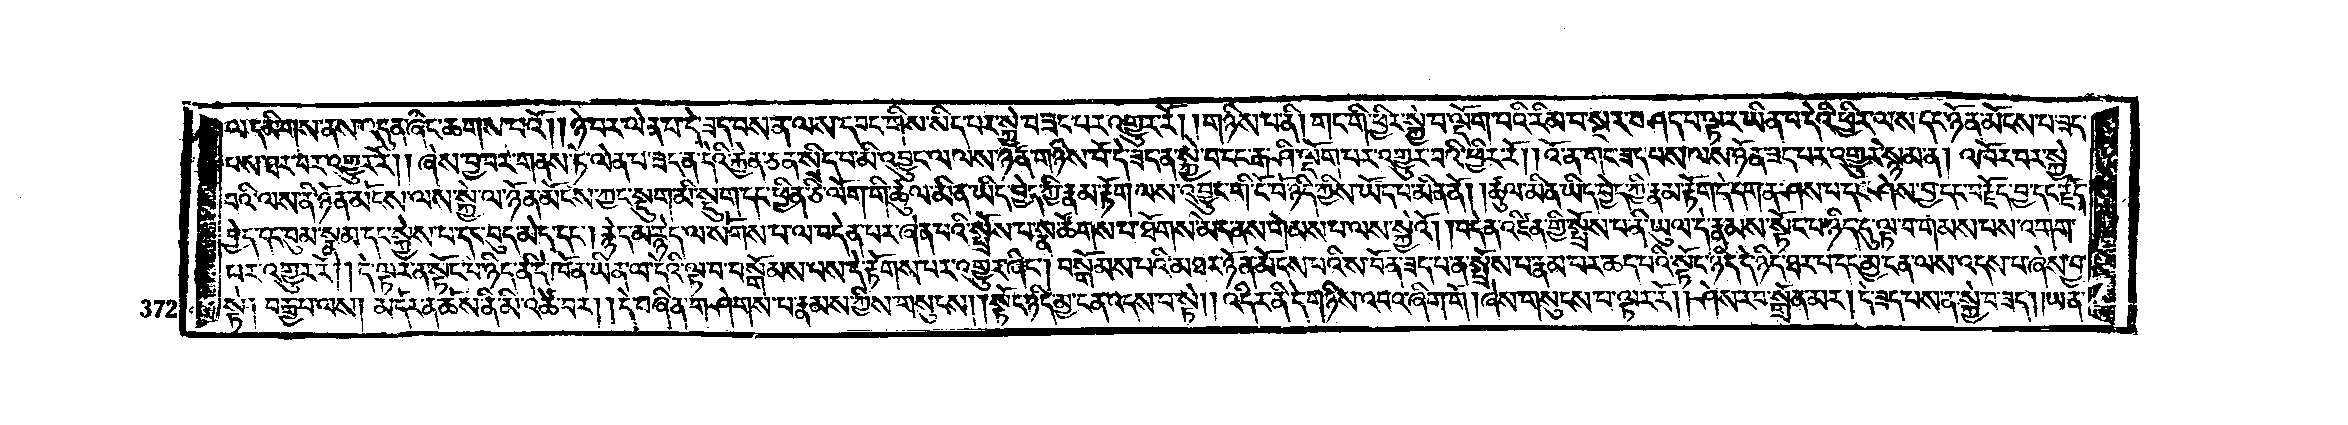ལ་དམིགས་ནས་འདུན་ཞིང་ཆགས་པའོ། །ཉེ་བར་ལེན་པ་དེ་ཟད་པས་ན་ལས་དབང་གིས་སྲིད་པར་སྐྱེ་བ་ཟད་པར་འགྱུར་རོ། །གཉིས་པ་ནི། གང་གི་ཕྱིར་སྐྱེ་བ་ལྡོག་པའི་རིམ་པ་སྔར་བཤད་པ་ལྟར་ཡིན་པ་དེའི་ཕྱིར་ལས་དང་ཉོན་མོངས་པ་ཟད་
པས་ཐར་བར་འགྱུར་རོ། །ཞེས་བྱ་བར་གནས་ཏེ་ལེན་པ་ཟད་ན་དེའི་རྐྱེན་ཅན་སྲིད་པ་མི་འབྱུང་ལ་ལས་ཉོན་གཉིས་པོ་དེ་ཟད་ན་སྐྱེ་བ་དང་རྒ་ཤི་ལྡོག་པར་འགྱུར་བའི་ཕྱིར་རོ། །འོ་ན་གང་ཟད་པས་ལས་ཉོན་ཟད་པར་འགྱུར་སྙམ་ན། འཁོར་བར་སྐྱེ་
པའི་ལས་ནི་ཉོན་མོངས་ལས་སྐྱེ་ལ་ཉོན་མོངས་ཀྱང་སྡུག་མི་སྡུག་དང་ཕྱིན་ཅི་ལོག་གི་ཚུལ་མིན་ཡིད་བྱེད་ཀྱི་རྣམ་རྟོག་ལས་འབྱུང་གི་ངོ་བོ་ཉིད་ཀྱིས་ཡོད་པ་མིན་ནོ། །ཚུལ་མིན་ཡིད་བྱེད་ཀྱི་རྣམ་རྟོག་དེ་དག་ན་ཤེས་པ་དང་ཤེས་བྱ་དང་བརྗོད་བྱ་དང་རྗོད་
བྱེད་དང་བུམ་སྣམ་དང་སྐྱེས་པ་དང་བུད་མེད་དང་། རྙེད་མ་རྙེད་ལ་སོགས་པ་ལ་བདེན་པར་ཞེན་པའི་སྤྲོས་པ་སྣ་ཚོགས་པ་ཐོགས་མེད་ནས་གོམས་པ་ལས་སྐྱེའོ། །བདེན་འཛིན་གྱི་སྤྲོས་པ་ནི་ཡུལ་དེ་རྣམས་སྟོང་པ་ཉིད་དུ་ལྟ་བ་གོམས་པས་འགག་
པར་འགྱུར་རོ། །དེ་ལྟར་ན་སྟོང་པ་ཉིད་ནི་དེ་ཁོ་ན་ཡིན་ལ་དེའི་ལྟ་བ་བསྒོམས་པས་དེ་རྟོགས་པར་འགྱུར་ཞིང་། བསྒོམས་པའི་མཐར་ཉོན་མོངས་པའི་ས་བོན་ཟད་པ་ན་སྤྲོས་པ་རྣམ་པར་ཆད་པའི་སྟོང་ཉིད་དེ་ཉིད་ཐར་པ་དང་མྱ་ངན་ལས་འདས་པ་ཞེས་བྱ་
སྟེ༑ བརྒྱབ་ལས། མདོར་ན་ཆོས་ནི་མི་འཚེ་བར། །དེ་བཞིན་གཤེགས་པ་རྣམས་ཀྱིས་གསུངས། །སྟོང་ཉིད་མྱ་ངན་འདས་པ་སྟེ། །འདིར་ནི་དེ་གཉིས་འབའ་ཞིག་གོ །ཞེས་གསུངས་པ་ལྟར་རོ། །ཤེས་རབ་སྒྲོན་མར། དེ་ཟད་པས་ན་སྐྱེ་བ་ཟད། །ཡན་